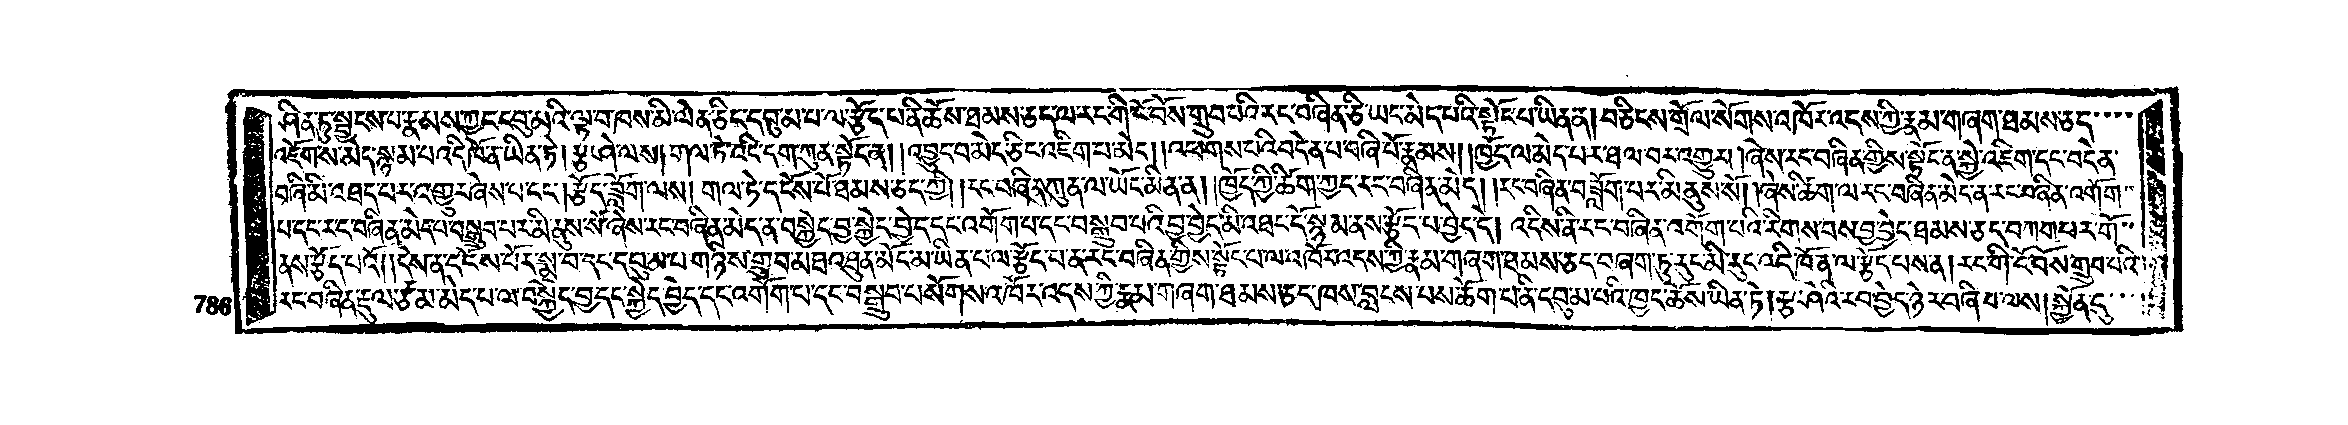ཤིན་ཏུ་སྦྱངས་པ་རྣམས་ཀྱང་དབུ་མའི་ལྟ་བ་ཁས་མི་ལེན་ཅིང་དབུ་མ་པ་ལ་རྩོད་པ་ནི་ཆོས་ཐམས་ཅད་ལ་རང་གི་ངོ་བོས་གྲུབ་པའི་རང་བཞིན་ཅི་ཡང་མེད་པའི་སྟོང་པ་ཡིན་ན། བཅིངས་གྲོལ་སོགས་འཁོར་འདས་ཀྱི་རྣམ་གཞག་ཐམས་ཅད་
འཇོག་ས་མེད་སྙམ་པ་འདི་ཁོ་ན་ཡིན་ཏེ། རྩ་ཤེ་ལས། གལ་ཏེ་འདི་དག་ཀུན་སྟོང་ན། །འབྱུང་བ་མེད་ཅིང་འཇིག་པ་མེད། །འཕགས་པའི་བདེན་པ་བཞི་པོ་རྣམས། །ཁྱོད་ལ་མེད་པར་ཐལ་བར་འགྱུར། །ཞེས་རང་བཞིན་གྱིས་སྟོང་ན་སྐྱེ་འཇིག་དང་བདེན་
བཞི་མི་འཐད་པར་འགྱུར་ཞེས་པ་དང་། རྩོད་ཟློག་ལས། གལ་ཏེ་དངོས་པོ་ཐམས་ཅད་ཀྱི། །རང་བཞིན་ཀུན་ལ་ཡོད་མིན་ན། །ཁྱོད་ཀྱི་ཚིག་ཀྱང་རང་བཞིན་མེད། །རང་བཞིན་བཟློག་པར་མི་ནུས་སོ། །ཞེས་ཚིག་ལ་རང་བཞིན་མེད་ན་རང་བཞིན་འགོག་
པ་དང་རང་བཞིན་མེད་པ་བསྒྲུབ་པར་མི་ནུས་སོ་ཞེས་རང་བཞིན་མེད་ན་བསྐྱེད་བྱ་སྐྱེད་བྱེད་དང་འགོག་པ་དང་བསྒྲུབ་པའི་བྱ་བྱེད་མི་འཐད་དོ་སྙམ་ནས་རྩོད་པ་བྱེད་དེ། འདིས་ནི་རང་བཞིན་འགོག་པའི་རིགས་པས་བྱ་བྱེད་ཐམས་ཅད་བཀག་པར་གོ་
ནས་རྩོད་པའོ། །དེས་ན་དངོས་པོར་སྨྲ་བ་དང་དབུ་མ་པ་གཉིས་གྲུབ་མཐའ་ཐུན་མོང་མ་ཡིན་པ་ལ་རྩོད་པ་ན་རང་བཞིན་གྱིས་སྟོང་པ་ལ་འཁོར་འདས་ཀྱི་རྣམ་གཞག་ཐམས་ཅད་བཞག་ཏུ་རུང་མི་རུང་འདི་ཁོ་ན་ལ་རྩོད་པས་ན། རང་གི་ངོ་བོས་གྲུབ་པའི་
རང་བཞིན་རྡུལ་ཙམ་མེད་པ་ལ་བསྐྱེད་བྱ་དང་སྐྱེད་བྱེད་དང་འགོག་པ་དང་བསྒྲུབ་པ་སོགས་འཁོར་འདས་ཀྱི་རྣམ་གཞག་ཐམས་ཅད་ཁས་བླངས་པས་ཆོག་པ་ནི་དབུ་མ་པའི་ཁྱད་ཆོས་ཡིན་ཏེ། རྩ་ཤེའི་རབ་བྱེད་ཉེར་བཞི་པ་ལས། སྐྱོན་དུ་